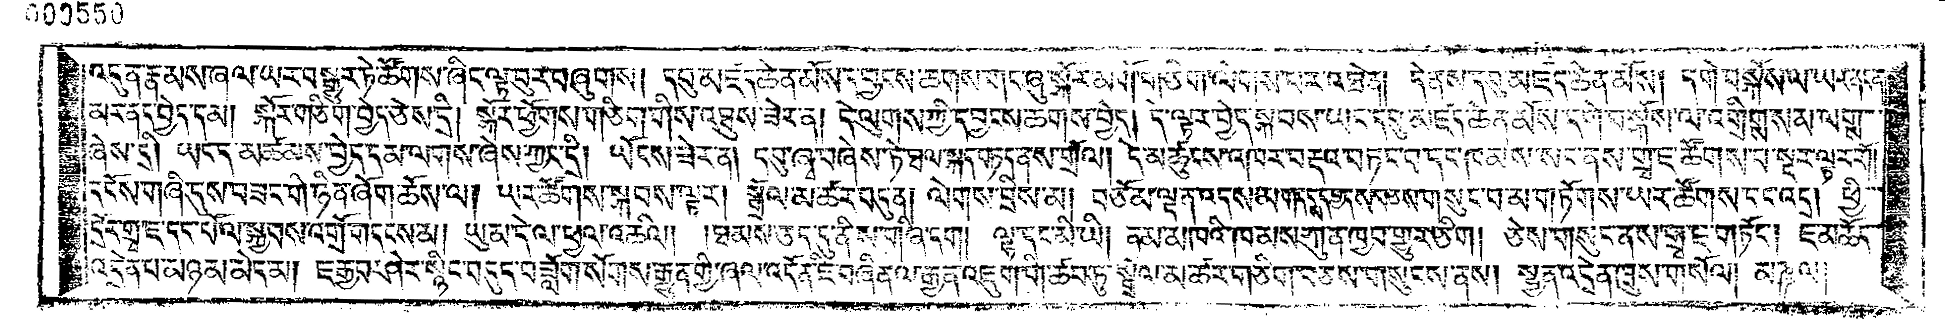འདུན་རྣམས་ཞལ་ཡར་བསྒྱུར་ཏེ་ཚོགས་ཞིང་ལྟ་བུར་བཞུགས། དབུ་མཛད་ཆེན་མོས་དབྱངས་ཚགས་གང་ཞུ་སྐོར་མགོ་གཅིག་ལེགས་པར་འཐེན། དེ་ནས་དབུ་མཛད་ཆེན་མོས། དགེ་བསྐོས་ལ་ཡར་ནང་ན་
མར་ནང་བྱེད་དམ། སྐོར་གཅིག་བྱེད་ཅེས་དྲི། སྐོར་ཕྱོགས་གཅིག་གིས་འཐུས་ཟེར་ན། དེ་ལུགས་ཀྱི་དབྱངས་ཆགས་བྱེད། དེ་ལྟར་བྱེད་སྐབས་ཡང་དབུ་མཛད་ཆེན་མོས་དགེ་བསྐོས་ལ་འགྲིགས་སམ་ལགས་
ཞེས་དྲི། ཡང་ད་མཚམས་བྱེད་དམ་ལགས་ཞེས་ཀྱང་དྲི། ཡོངས་ཟེར་ན། དབུ་ཞྭ་བཞེས་ཏེ་ཐལ་སྐད་བཏད་ནས་གྲོལ། དེ་མཚུངས་འཁར་བརྡའ་བཏང་བ་དང་ཁམས་སང་ནས་གྲྭ་ཇ་ཚོགས་པ་སྔར་ལྟར་རོ། །
དངོས་གཞི་དུས་བཟང་གི་ཉིན་ཞོག་ཆོས་ལ། ཡར་ཚོགས་སྐབས་ལྟར། སྒྲོལ་མ་ཚར་བདུན། ལེགས་བྲིས་མ། བཅོམ་ལྡན་འདས་མ་གདངས་དབྱངས་བཅས་གསུང་བ་མ་གཏོགས་ཡར་ཚོགས་དང་འདྲ། ཕྱི་
དྲོར་གྲྭ་ཇ་དང་པོ་ལ་སྐྱབས་འགྲོ་གདངས་མ། ཡུམ་དེ་ལ་ཕྱལ་འཆིལ། །ཐམས་ཅད་དུ་ནི་ས་གཞི་དག །ལྷ་དང་མི་ཡི། ནམ་མཁའི་ཁམས་ཀུན་ཁྱབ་གྱུར་ཅིག །ཅེས་གསུང་ནས་གྲྭ་ཇ་གཏོང་། ཇ་མཆོད་
འདྲེན་པ་མཉམ་མེད་མ། ཇ་རྒྱབ་ཤེར་སྙིང་བདུད་བཟློག་སོགས་རྒྱུན་གྱི་ཞལ་འདོན་ཇི་བཞིན་ལ་རྒྱན་འཇུག་གི་ཚབ་ཏུ་སྒྲོལ་མ་ཚར་གཅིག་བཅས་གསུངས་ནས། སྤྱན་འདྲེན་ཁྲུས་གསོལ། མཎྜལ།